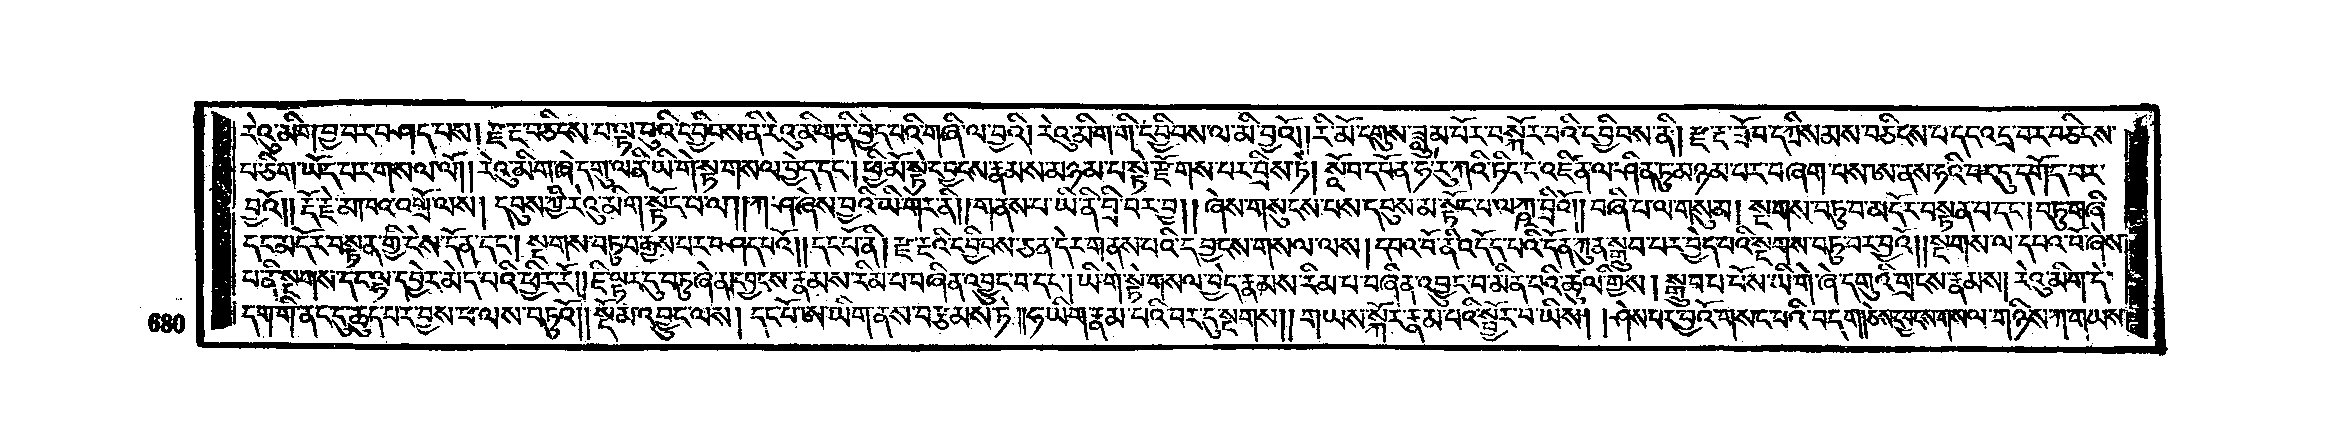རེའུ་མིག་བྱ་བར་བཤད་པས། རྫ་རྔ་བཅིངས་པ་ལྟ་བུའི་དབྱིབས་ནི་རེའུ་མིག་ནི་བྱེད་པའི་གཞི་ལ་བྱའི། རེའུ་མིག་གི་དབྱིབས་ལ་མི་བྱའོ། །རི་མོ་དགུས་ཟླུམ་པོར་བསྐོར་བའི་དབྱིབས་ནི། རྫ་རྔ་ཟོབ་དཀྲིམས་?་བཅིངས་པ་དང་འདྲ་བར་བཅིངས་
པ་ཅིག་ཡོད་པར་གསལ་ལོ། །རེའུ་མིག་ཞེ་དགུ་ལ་ནི་ཡི་གེ་སྟེ་གསལ་བྱེད་དང་། ཕྱི་མོ་སྟེ་དབྱངས་རྣམས་མཉམ་པ་སྟེ་རྫོགས་པར་བྲིས་ཏེ། སློབ་དཔོན་ཧེ་རུ་ཀའི་ཏིང་ངེ་འཛིན་ལ་ཤིན་ཏུ་མཉམ་པར་བཞག་པས་ཨ་ནས་ཧའི་བར་དུ་དགོད་བར་
བྱའོ། །རྡོ་རྗེ་མཁའ་འགྲོ་ལས། དབུས་ཀྱི་རེའུ་མིག་སྟོང་པ་ལ། །ཀ་ཤ་ཞེས་བྱའི་ཡི་གེར་ནི། །གནས་པ་ཡི་ནི་བྲི་བར་བྱ། །ཞེས་གསུངས་པས་དབུས་མ་སྟོང་པ་ལ་ཀྵ་བྲིའོ། །བཞི་པ་ལ་གསུམ། སྔགས་བཏུ་བ་མདོར་བསྟན་པ་དང་། བཏུ་གཞི་
དང་མདོར་བསྟན་གྱི་ངེས་དོན་དང་། སྔགས་བཏུ་བ་རྒྱས་པར་བཤད་པའོ། །དང་པོ་ནི། རྫ་རྔའི་དབྱིབས་ཅན་དེར་གནས་པའི་དབྱངས་གསལ་ལས། དཔའ་བོ་ནི་འདོད་པའི་དོན་ཀུན་སྒྲུབ་པར་བྱེད་པའི་སྔགས་བཏུ་བར་བྱའོ། །སྔགས་ལ་དཔའ་བོ་ཞེས་
པ་ནི་སྔགས་དང་ལྷ་དབྱེར་མེད་པའི་ཕྱིར་རོ། །ཇི་ལྟར་དུ་བཏུ་ཞེ་ན། དབྱངས་རྣམས་རིམ་པ་བཞིན་འབྱུང་བ་དང་། ཡི་གེ་སྟེ་གསལ་བྱེད་རྣམས་རིམ་པ་བཞིན་འབྱུང་བ་མིན་པའི་ཚུལ་གྱིས། སྒྲུབ་པ་པོས་ཡི་གེ་ཞེ་དགུའི་གྲངས་རྣམས། རེའུ་མིག་དེ་
དག་གི་ནང་དུ་ཆུད་པར་བྱས་པ་ལས་བཏུའོ། །སྡོམ་འབྱུང་ལས། དང་པོ་ཨ་ཡིག་ནས་བརྩམས་ཏེ། །ཧ་ཡིག་རྣམ་པའི་བར་དུ་སྔགས། །གཡས་སྐོར་རྣམ་པའི་སྦྱོར་བ་ཡིས། །ཤེས་པར་བྱའོ་གསང་བའི་བདག །ཅེས་དབྱངས་གསལ་གཉིས་ཀ་གཡས་